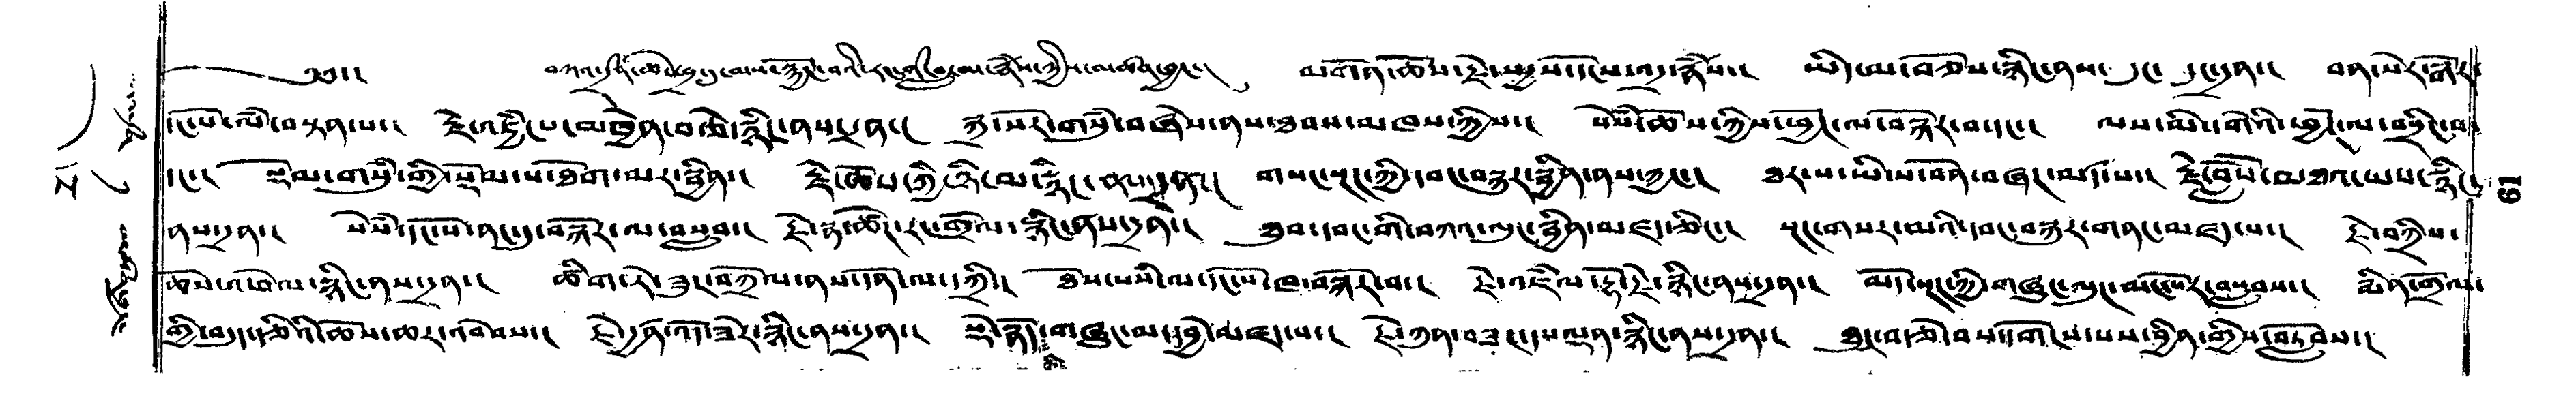བཀའ་དྲིན་ཆེ་ཕྲ་དུ་མས་བསྐྱངས་བའི་རང་གི་བླ་མ་རྣམས་ཀྱི་མཚན་བྱང་། མགོན་ཆོས་རྗེ་སངས་རྒྱས་དངོས་འདྲ་རྣམས། །ཡིད་མ་བཅོས་སྙིང་ནས་དུང་དུང་དྲན། །བན་སེར་སྒོར་
དང་པོ་ལམ་བསྟན་པ། །རྗེ་འཇམ་དབྱངས་མཁྱེན་བརྩེ་སྙིང་ནས་དྲན། །སྐྲ་སོར་གསུམ་བཞེས་ནས་ཐབས་མཁས་ཀྱིས། །སེམས་ཆོས་ཀྱི་ཕྱོགས་ལ་བསྐོར་བ་དང་། །ལས་མི་དགེའི་ཕྱོགས་ལས་བསྲིངས་པ་
དང་། །སྡོམ་གསུམ་གྱི་སྡོམ་པ་ཐོག་མར་བྱིན། །རྗེ་ཆོས་ཀྱི་ཉི་མ་སྙིང་ནས་དྲན། །གསང་སྔགས་ཀྱི་དབང་བསྐུར་བྱིན་ནས་ཀྱང་། །ཐར་པ་ཡི་ས་བོན་བཞག་མཛད་པ། །རྗེ་བློ་གྲོས་མཐའ་ཡས་སྙིང་
ནས་དྲན། །སེམས་དང་པོ་ནང་དུ་བསྐོར་ལ་བསླབས། །རྗེ་སྣ་ཚོགས་རང་གྲོལ་སྙིང་ནས་དྲན། །ཐུབ་དབང་གི་བཀའ་ལུང་བྱིན་མཛད་ཅིང་། །སྔགས་གསར་མའི་དབང་བསྐུར་གནང་མཛད་པ། །རྗེ་བཀྲ་ཤིས་
ཆོས་འཕེལ་སྙིང་ནས་དྲན། །ཚིག་རེ་ཟུང་བཀྲོལ་ནས་དོན་ལ་དཀྲིས། །ཐོས་བསམ་ལ་དང་པོ་ཁ་བསྐོར་བ། །རྗེ་འཇམ་དཔལ་རྡོ་རྗེ་སྙིང་ནས་དྲན། །མདོ་སྔགས་ཀྱི་གཞུང་ལུགས་མང་པོ་བསླབས། །སྨིན་གྲོལ་
གྱི་བདུད་རྩིའི་ཆོས་ཆར་ཕབ། །རྗེ་རྒྱལ་མཚན་འོད་ཟེར་སྙིང་ནས་དྲན། །སྡེ་སྣོད་ཀྱི་གཞུང་ལ་དབྱེ་མཛད་པ། །རྗེ་ཀུན་བཟང་དཔལ་ལྡན་སྙིང་ནས་དྲན། །ཐུགས་བརྩེ་བས་དགོངས་ཏེ་བྱིན་གྱིས་རློབས།